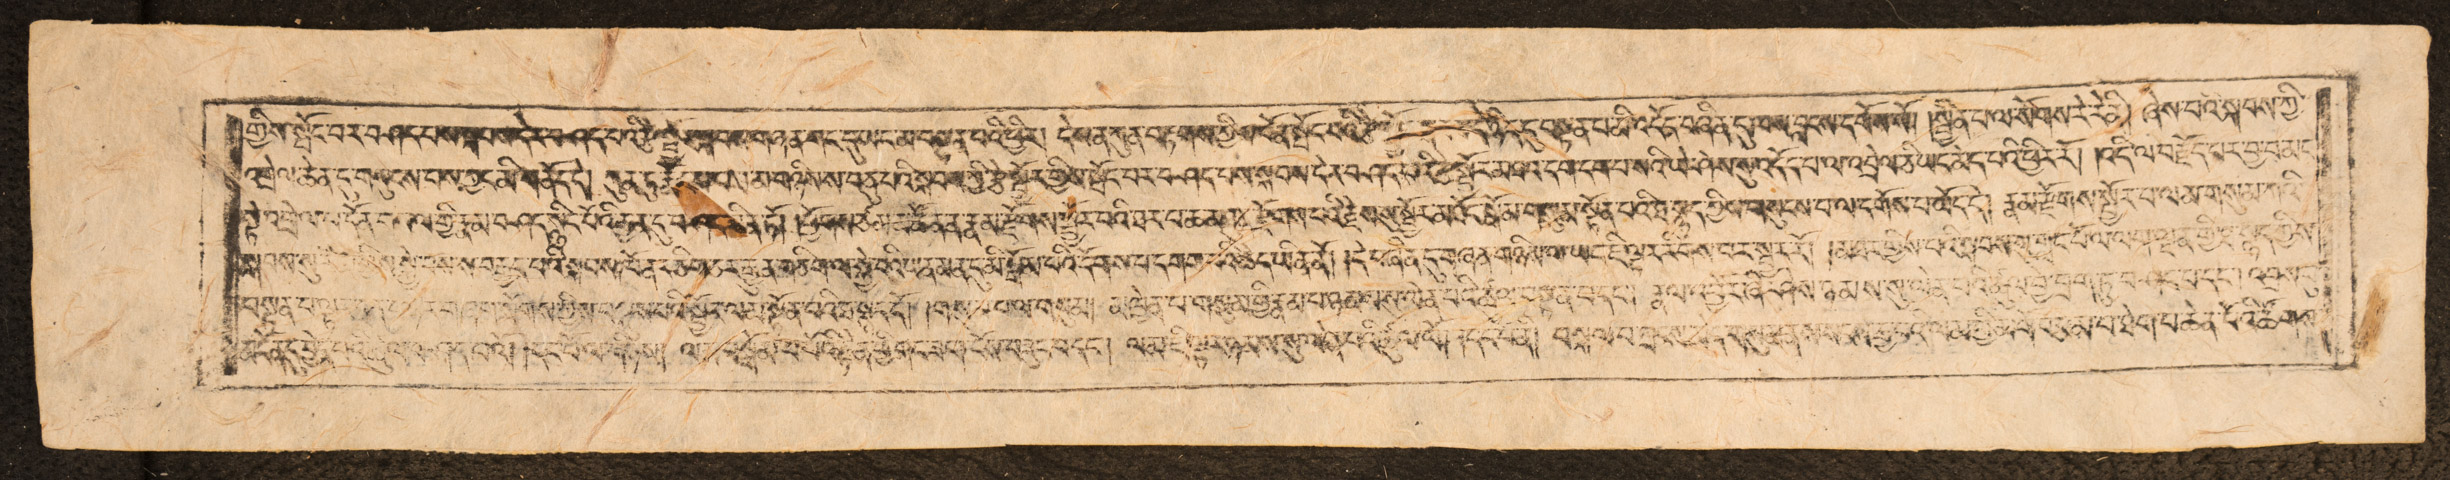གྱིས་སྤོང་བར་བཤད་པས་སྐབས་དེར་བཤད་པའི་རྩེ་སྦྱོར་སྐབས་གཞན་གང་དུ་ཡང་མ་བསྟན་པའི་ཕྱིར། དེས་ན་ཀུན་བརྟགས་ཀྱི་ས་བོན་སྤོང་བའི་རྩེ་སྦྱོར་སྐབས་དེ་ཉིད་དུ་བསྟན་པ་མི་འདོད་བཞིན་དུ་ཁས་བླངས་དགོས་སོ། །སྦྱིན་པ་ལ་སོགས་རེ་རེ་ནི། ཞེས་པའི་སྐབས་ཀྱི་
འགྲེལ་ཆེན་དུ་གསུངས་པས་ཀྱང་མི་གནོད་དེ། ཀུན་ཏུ་རྨོངས་པ་ཐ་མ་གཉིས་ས་བཅུ་པའི་སྐབས་ཀྱི་རྩེ་སྦྱོར་གྱིས་སྤོང་བར་བཤད་པས་སྐབས་དེར་བཤད་པའི་རྩེ་སྦྱོར་མཐའ་དག་དག་པ་སའི་ཡེ་ཤེས་སུ་འདོད་པ་ལ་འབྲེལ་ཅི་ཡང་མེད་པའི་ཕྱིར་རོ། །འདི་ལ་བརྗོད་པར་བྱ་བ་མང་
སྟེ་འགྲེལ་པ་དོན་གསལ་གྱི་རྣམ་བཤད་སྙིང་པོའི་རྒྱན་དུ་བཤད་ཟིན་ཏོ། །ཕྱོགས་ཙམ་མཚོན་ན་རྣམ་རྫོགས་སྦྱོར་བའི་ཐར་པ་ཆ་མཐུན་རྫོགས་པའི་རྗེས་སུ་སྦྱོར་མཐོང་སྒོམ་གསུམ་སྟོན་པའི་ཐ་སྙད་ཀྱིས་གསུངས་པ་ལ་དགོས་པ་ཡོད་དེ། རྣམ་རྫོགས་སྦྱོར་བ་ལམ་གསུམ་ཀའི་
སྐབས་སུ་རིམ་གྱི་སྐྱེ་བས་ས་བརྒྱད་པའི་སྐབས་ཁོ་ནར་ཅིག་ཅར་རྒྱུན་གཅིག་ལ་སྐྱེ་བའི་ཡན་མན་དུ་མི་སྒོམ་པའི་དོགས་པ་དགག་པའི་ཆེད་ཡིན་ནོ། །དེ་བཞིན་དུ་གཞན་གཉིས་ལ་ཡང་ཇི་ལྟར་རིགས་པར་སྦྱར་རོ། །མཐར་གྱིས་པའི་སྐབས་སུ་གླང་པོ་ལ་ལག་ལྡན་གྱི་ཐ་སྙད་ཀྱིས་
བསྟན་པ་ལྟར་དྲན་པ་ཉེར་གཞག་སོགས་ཀྱིས་བསྡུས་པའི་སྦྱོར་ལམ་སྟོན་པའི་ཐ་སྙད་དོ། །གསུམ་པ་ལ་གསུམ། མཁྱེན་པ་གསུམ་གྱི་རྣམ་པ་ཉམས་སུ་ལེན་པའི་ཚུལ་བསྟན་པ་དང་། རྣལ་འབྱོར་ཞི་ཤེས་ཉམས་སུ་ལེན་པའི་ཚུལ་བྱེ་བྲག་ཏུ་བཤད་པ་དང་། འབྲས་བུ་
མངོན་དུ་བྱེད་པའི་ཚུལ་བཤད་པའོ། །དང་པོ་ལ་གཉིས། ལམ་བསྒོམ་པ་པོའི་རྟེན་གྱི་གང་ཟག་ངོས་བཟུང་བ་དང་། ལམ་ཇི་ལྟར་ཉམས་སུ་ལེན་པའི་ཚུལ་ལོ། །དང་པོ་ནི། བསྐལ་པ་གྲངས་མེད་གསུམ་ནས་སངས་རྒྱ་བའི་ལམ་གྱི་མགོ་བརྩམ་པ་ཐེག་པ་ཆེན་པོའི་ཚོགས་